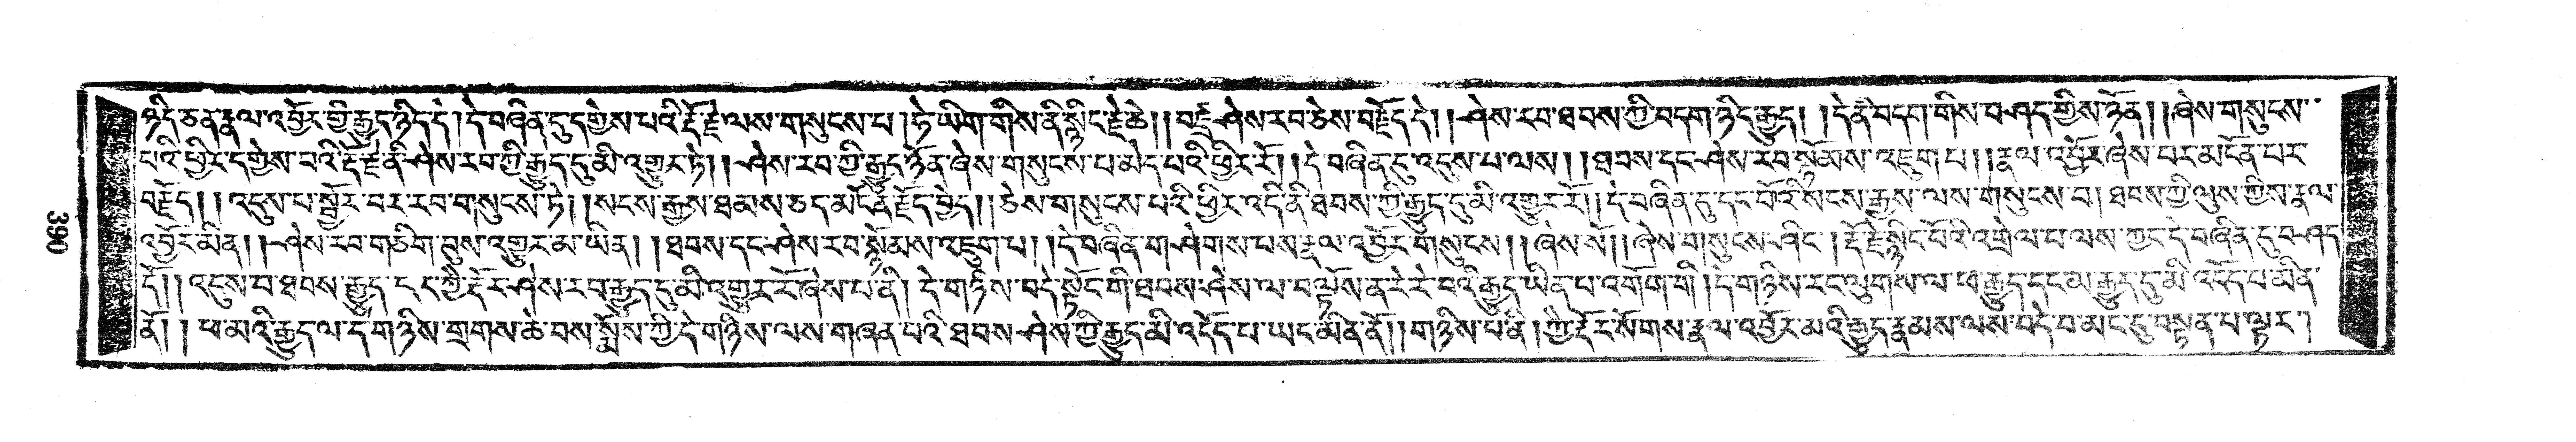ཉིད་ཅན་རྣལ་འབྱོར་གྱི་རྒྱུད་ཉིད་དེ། དེ་བཞིན་དུ་དགྱེས་པའི་རྡོ་རྗེ་ལས་གསུངས་པ། ཧེ་ཡིག་གིས་ནི་སྙིང་རྗེ་ཆེ། །བྫྲ་ཤེས་རབ་ཅེས་བརྗོད་དེ། །ཤེས་རབ་ཐབས་ཀྱི་བདག་ཉིད་རྒྱུད། །དེ་ནི་བདག་གིས་བཤད་ཀྱིས་ཉོན། །ཞེས་གསུངས་
པའི་ཕྱིར་དགྱེས་པའི་རྡོ་རྗེ་ནི་ཤེས་རབ་ཀྱི་རྒྱུད་དུ་མི་འགྱུར་ཏེ། །ཤེས་རབ་ཀྱི་རྒྱུད་ཉོན་ཞེས་གསུངས་པ་མེད་པའི་ཕྱིར་རོ། །དེ་བཞིན་དུ་འདུས་པ་ལས། །ཐབས་དང་ཤེས་རབ་སྙོམས་འཇུག་པ། །རྣལ་འབྱོར་ཞེས་པར་མངོན་པར་
བརྗོད། །འདུས་པ་སྦྱོར་བར་རབ་གསུངས་ཏེ། །སངས་རྒྱས་ཐམས་ཅད་མངོན་རྗོད་བྱེད། །ཅེས་གསུངས་པའི་ཕྱིར་འདི་ནི་ཐབས་ཀྱི་རྒྱུད་དུ་མི་འགྱུར་རོ། །དེ་བཞིན་དུ་དང་པོའི་སངས་རྒྱས་ལས་གསུངས་པ། ཐབས་ཀྱི་ལུས་ཀྱིས་རྣལ་
འབྱོར་མིན། །ཤེས་རབ་གཅིག་བུས་འགྱུར་མ་ཡིན། །ཐབས་དང་ཤེས་རབ་སྙོམས་འཇུག་པ། །དེ་བཞིན་གཤེགས་པས་རྣལ་འབྱོར་གསུངས། །ཞེས་སོ། །ཞེས་གསུངས་ཤིང་། རྡོ་རྗེ་སྙིང་པོའི་འགྲེལ་པ་ལས་ཀྱང་དེ་བཞིན་དུ་བཤད་
དོ། །འདུས་པ་ཐབས་རྒྱུད་པར་ཀྱཻ་རྡོར་ཤེས་རབ་རྒྱུད་དུ་མི་འགྱུར་རོ་ཞེས་པ་ནི། དེ་གཉིས་བདེ་སྟོང་གི་ཐབས་ཤེས་ལ་བལྟོས་ན་རེ་རེ་བའི་རྒྱུད་ཡིན་པ་འགོག་གི །དེ་གཉིས་རང་ལུགས་ལ་ཕ་རྒྱུད་དང་མ་རྒྱུད་དུ་མི་འདོད་པ་མིན་
ནོ། །ཕ་མའི་རྒྱུད་ལ་དེ་གཉིས་གྲགས་ཆེ་བས་སྨོས་ཀྱི་དེ་གཉིས་ལས་གཞན་པའི་ཐབས་ཤེས་ཀྱི་རྒྱུད་མི་འདོད་པ་ཡང་མིན་ནོ། །གཉིས་པ་ནི། ཀྱཻ་རྡོར་སོགས་རྣལ་འབྱོར་མའི་རྒྱུད་རྣམས་ལས་བདེ་བ་མང་དུ་བསྟན་པ་ལྟར།